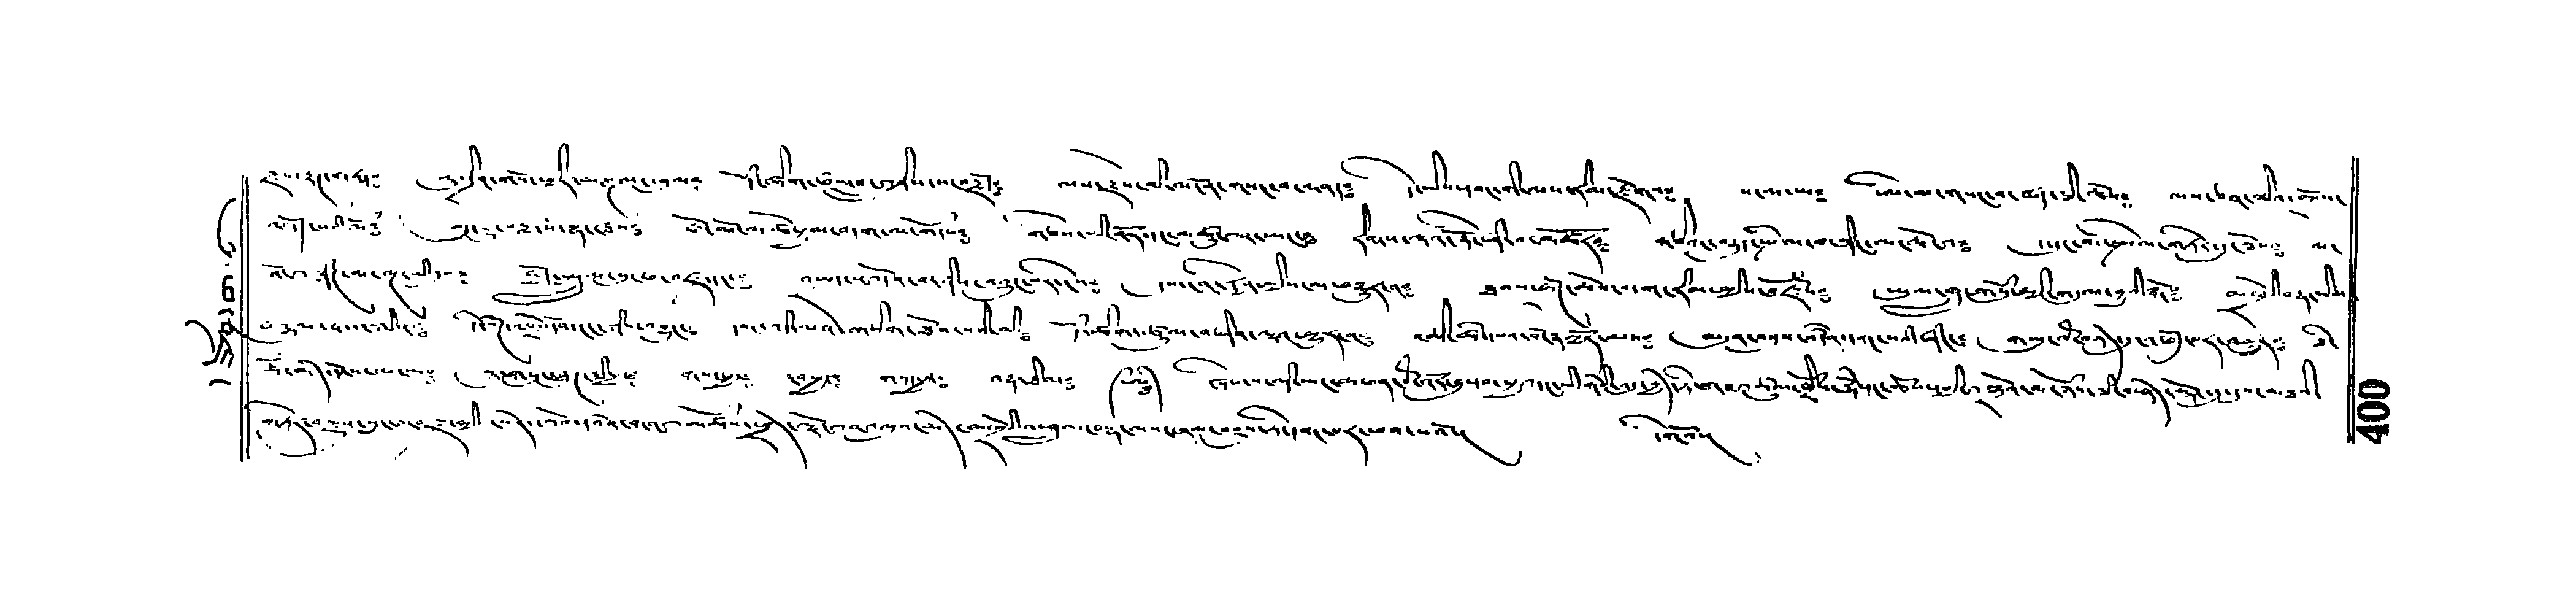རྫས་རྟགས་གཏད༔སྐུ་དྲིན་གསོ་ཕྱིར་མཎྜལ་ཕུལ༔ དམ་ཚིག་ཁས་བླངས་ཤིས་པ་བརྗོད༔ ལས་རྗེས་མི་མངོན་གསང་བ་གནད༔ དེ་ཡིས་དབང་གིས་ལས་རིམ་རྫོགས༔ ས་མ་ཡ༔ ཨེ་མ་གསང་བ་གནད་ཀྱི་ཆོས༔ ལས་ཅན་སྨིན་གྲོལ་
འགོད་པའི་ལམ༔ གུ་རུ་པདྨ་སཾ་བྷ་ཝས༔ ཁོ་མོ་མཚོ་རྒྱལ་བདག་ལ་གདམས༔ གཅེས་པའི་ནོར་དང་མཚུངས་ན་ཡང༔ རིགས་ལྡན་རྡོ་རྗེ་ཞི་བ་མཚོར༔ གཅིག་བརྒྱུད་སྤེལ་བ་སྙིང་ལ་ཆོངས༔ ད་དུང་མ་སྤེལ་གཏེར་དུ་སྦོས༔ མ་
འོངས་སྙིགས་མ་ལྔ་ཡི་དུས༔ ཁྱོད་སྤྲུལ་སུ་ཁ་བཛྲ་དང༔ ཕྲད་ནས་དོན་གཉིས་འབྱུང་བར་ངེས༔ དུས་ངན་རྐྱེན་གྱིས་མ་བསྒྱུར་ན༔ ཐབས་གྲོགས་ཆོས་བདག་རིམ་གྱིས་འཛོམས༔ ཡུལ་གྲུ་གསུམ་གྱི་གདུལ་བྱའི་སྒོ༔ མཁའ་འགྲོའི་བརྡ་ཡིས་
བསྐུལ་ནས་སྨིན༔ དེ་སོགས་འགྲོ་དོན་ངང་གིས་འབྱུང༔ དབང་འདི་ལན་གཅིག་ཐོབ་པའི་མི༔ དམ་ཚིག་ཚུལ་བཞིན་ལྡན་གྱུར་ན༔ འཆི་ཚེ་དཔའ་བོ་རྣལ་འབྱོར་མས༔ མདུན་བསུས་བདེ་ཆེན་དག་པའི་ཞིང༔ གཡུ་ལོ་བཀོད་དུ་འཁོད་པར་འགྱུར༔ ཐེ་
ཚོམ་མེད་དོ་ས་མ་ཡ༔ སྐུ་གསུང་ཐུགས་ཀྱི་རྒྱ༔ གསང་རྒྱ༔ ཟབ་རྒྱ༔ གཏད་རྒྱ༔ བརྡ་ཐིམ༔ ༔ ཞེས་པ་འདི་ཡང་མཁན་པོ་ནོར་བུ་དབང་རྒྱལ་དང་ཡི་གེའི་འདུ་བྱེད་ཉེ་གནས་ཚུལ་ཁྲིམས་རྡོ་རྗེ། ཆོས་དབྱིངས་སྒྲོན་མ་རྣམས་ཀྱི་བཞེད་སྐོང་དུ་དུས་མཐའི་
གཏེར་བརྫུན་སུ་ཁ་བཛྲ་གྱིས་སེར་དགོན་དབེན་གནས་མཚམས་ཁྲོད་ལྗོངས་ནས་ལུས་མེད་མཁའ་འགྲོའི་འཕྲུལ་བརྡ་ལས་ཞལ་བཤུས་ཏེ་དག་པར་ཕབ་པ་དགེའོ།། མངྒ་ལམ།།